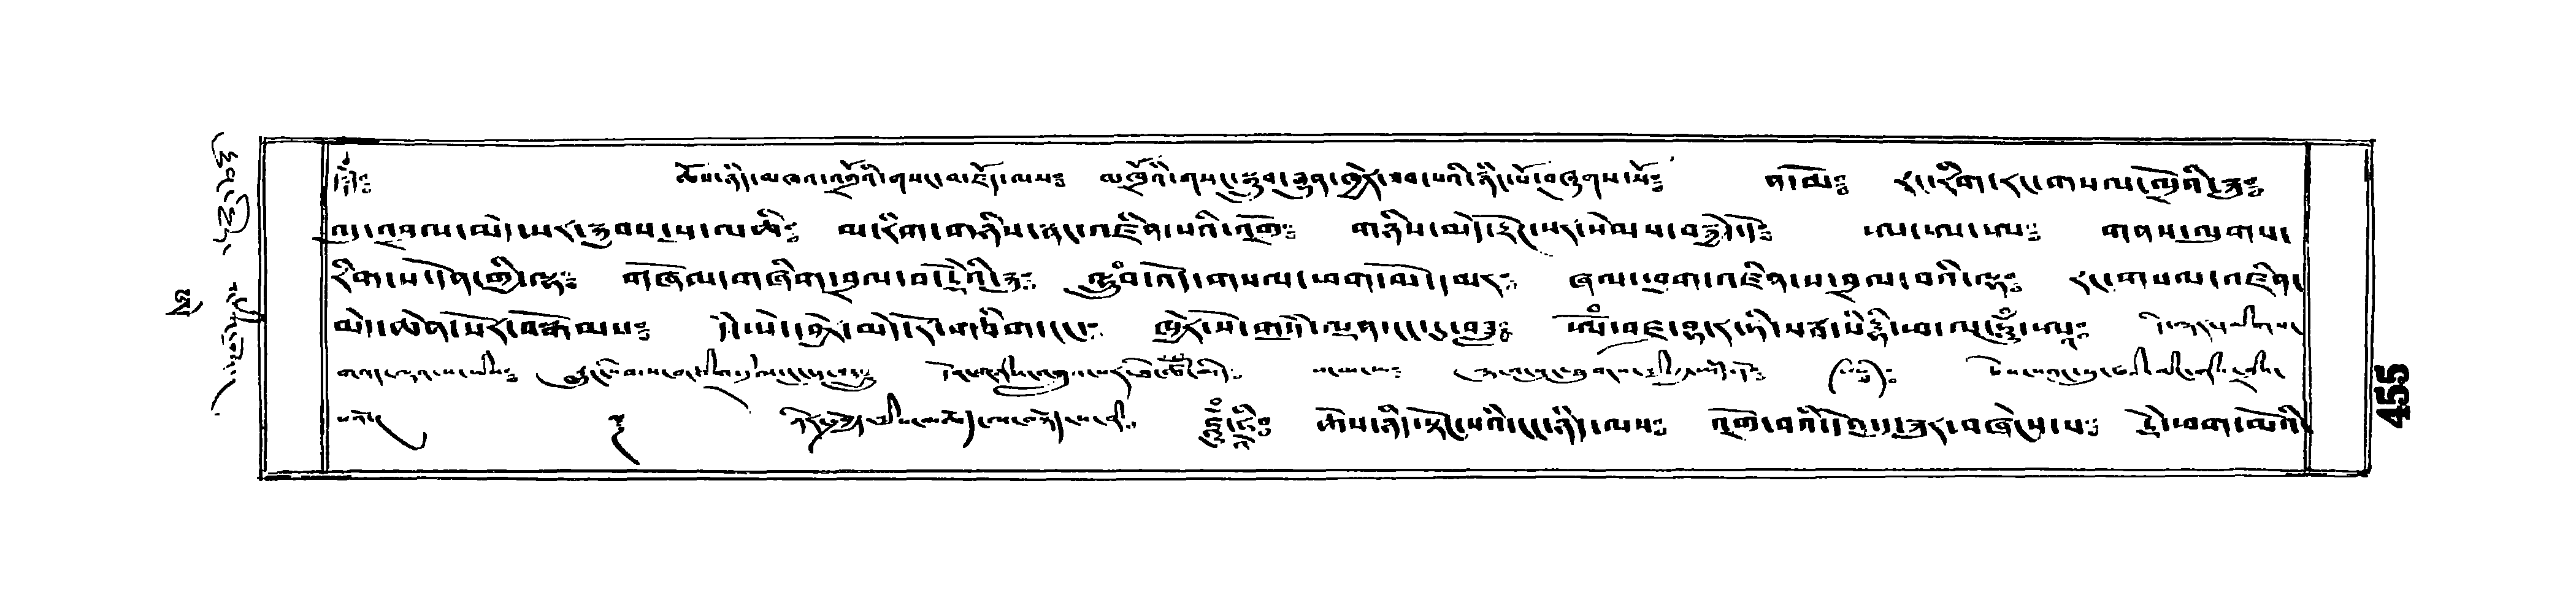ཆོས་ཉིད་མཁའ་འགྲོའི་གསང་མཛོད་ལསཿ མཁའ་འགྲོའི་གསང་སྒྲུབ་རྒྱུན་ཁྱེར་ཟབ་པའི་སྙིང་པོ་བཞུགས་སོ༔ ན་མོ༔ རང་རིག་རང་གསལ་མཁའ་འགྲོའི་སྐུ༔ 
འདུ་འབྲལ་མེད་པར་སྐྱབས་སུ་མཆི༔ མ་རིག་གཉིས་སྣང་འཛིན་པའི་འགྲོ༔ གཉིས་མེད་རྟོགས་པར་སེམས་བསྐྱེད་དོ༔ ཨ་ཨ་ཨཱ༔ གནས་ལུགས་
རིག་པ་དོན་གྱི་ལྷ༔ གཞོམ་གཞིག་བྲལ་བ་རྡོ་རྗེའི་སྐུ༔ ལྷུན་གྲུབ་འོད་གསལ་ཕག་མོ་དམར༔ ཞལ་ཕྱག་འཛིན་པ་བྲལ་བའི་ལྷ༔ རང་གསལ་འཛིན་
མེད་ཆེན་པོར་བསྒོམ༔ དམ་ཡེ་དབྱེར་མེར་རོ་གཅིག་ངང༔ ཁྱེར་སོ་གསུམ་ལྡན་ངང་དུ་བཟླ༔ ཨོཾ་བཛྲ་བྷ་ར་ཧི་སརྦ་སིདྡྷི་ཕ་ལ་ཧཱུྃ་ཨཱཿ དེ་ལྟར་དམིགས་
གནད་ལྡན་པ་ཡིས༔ རླུང་སེམས་གཅིག་དྲིལ་ངང་དུ་བཟླ༔ དོན་གཉིས་འགྲུབ་པར་ཐེ་ཚོམ་མེད༔ ས་མ་ཡ༔ སྐུ་གསུང་ཐུགས་ཀྱི་རྒྱ་ཡོད་དོ༔ ཿ ཅེས་པའང་སུ་ཁའི་མིང་གིས་བྲིས་
པའོ།། ༈ ཉེར་སྤྱོད་ཀྱིས་མཆོད་ལ་བསྟོད་པ་ནི༔ ཧཱུྃ་ཧྲཱིཿ ཆོས་ཉིད་སྟོང་པའི་ངང་ཉིད་ལས༔ འགྲོ་བའི་དོན་དུ་སྐུར་བཞེངས་པ༔ རྡོ་རྗེ་ཕག་མོའི་